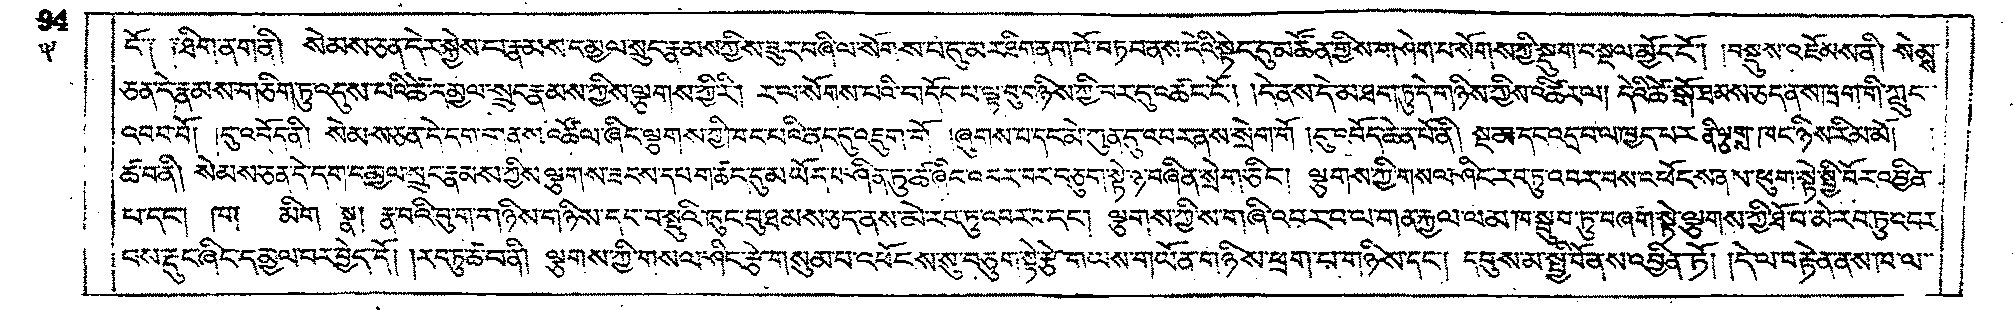ངོ༑ ༑ཐིག་ནག་ནི། སེམས་ཅན་དེར་སྐྱེས་པ་རྣམས་དམྱལ་སྲུང་རྣམས་ཀྱིས་ཟུར་བཞི་ལ་སོགས་པ་དུ་མར་ཐིག་ནག་པོ་བཏབ་ནས་དེའི་སྟེང་དུ་མཚོན་གྱིས་གཤེག་པ་སོགས་ཀྱིས་དུག་བསྔལ་མྱོང་ངོ། །བསྡུས་འཇོམས་ནི། སེམས་
ཅན་དེ་རྣམས་གཅིག་ཏུ་འདུས་པའི་ཚེ་དམྱལ་སྲུང་རྣམས་ཀྱིས་ལྕགས་ཀྱི་རི། ར་ལ་སོགས་པའི་གདོང་པ་ལྟ་བུ་གཉིས་ཀྱི་བར་དུ་འཚང་ངོ། །དེ་ནས་དེ་མ་ཐག་ཏུ་དེ་གཉིས་ཀྱིས་འཚིར་ལ། དེའི་ཚེ་སྒོ་ཐམས་ཅད་ནས་ཁྲག་གི་ཀླུང་
འབབ་བོ། །དུ་འབོད་ནི། སེམས་ཅན་དེ་དག་གནས་འཚོལ་ཞིང་ལྕགས་ཀྱི་ཁང་པའི་ནང་དུ་འཇུག་གོ། །ཞུགས་པ་དང་མེ་ཀུན་དུ་འབར་ནས་སྲེག་གོ། །དུ་འབོད་ཆེན་པོ་ནི། སྔ་མ་དང་འདྲ་བ་ལ་ཁྱད་པར་ནི་ལྕགས་ཁང་ཉིས་རིམ་མོ། །
ཚ་བ་ནི། སེམས་ཅན་དེ་དག་དམྱལ་སྲུང་རྣམས་ཀྱིས་ལྕགས་ཟང་དཔག་ཚད་དུ་མ་ཡོད་པ་ཤིན་ཏུ་ཚ་ཞིང་འབར་བར་བཅུག་སྟེ་ཉ་བཞིན་སྲེག་ཅིང་། ལྕགས་ཀྱི་གསལ་ཤིང་རབ་ཏུ་འབར་བས་འཕོངས་ནས་ཕུག་སྟེ་སྤྱི་བོར་འབྱིན་
པ་དང་། ཁ། མིག་སྣ། རྣ་བའི་བུ་ག་གཉིས་གཉིས་དང་བ་སྤུའི་ཁུང་བུ་ཐམས་ཅད་ནས་མེ་རབ་ཏུ་འབར་བ་དང་། ལྕགས་ཀྱིས་གཞི་འབར་བ་ལ་གན་རྒྱལ་ལམ་ཁ་སྦུབ་ཏུ་བཞག་སྟེ་ལྕགས་ཀྱི་ཐོ་བ་མེ་རབ་ཏུ་འབར་
བས་རྡུང་ཞིང་དམྱལ་བར་བྱེད་དོ། །རབ་ཏུ་ཚ་བ་ནི། ལྕགས་ཀྱི་གསལ་ཤིང་རྩེ་གསུམ་པ་འཕོངས་སུ་བཅུག་སྟེ་རྩེ་གཡས་གཡོན་གཉིས་ཕྲག་པ་གཉིས་དང་། དབུས་མ་སྤྱི་བོ་ནས་འབྱིན་ཏོ། །དེ་ལ་བརྟེན་ནས་ཁ་ལ་